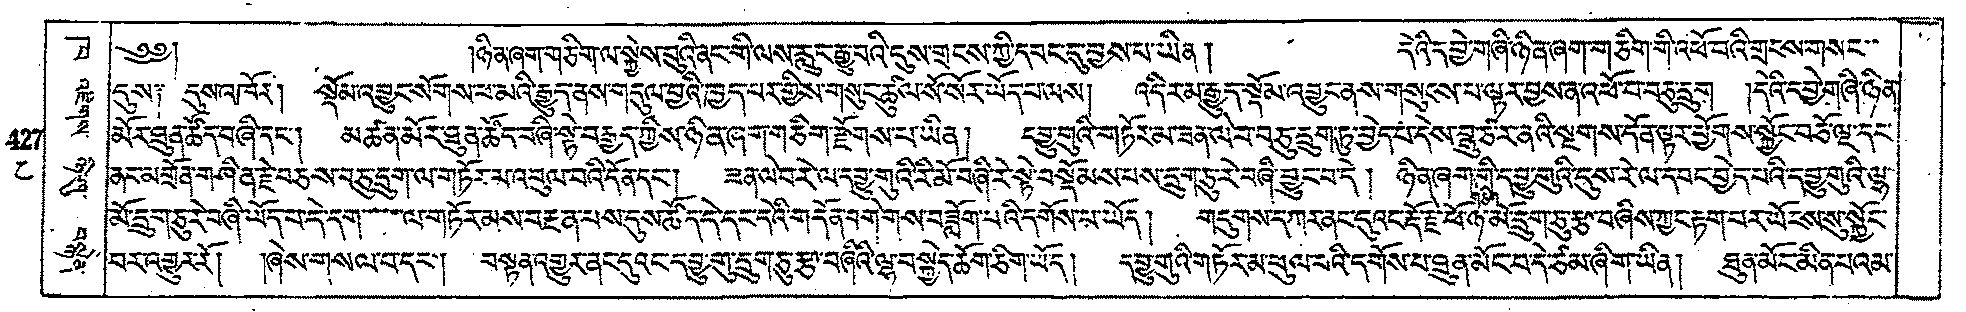༄༅། །ཉིན་ཞག་གཅིག་ལ་སྐྱེས་བུའི་ནང་གི་ལས་རླུང་རྒྱུ་བའི་དུས་གྲངས་ཀྱི་དབང་དུ་བྱས་པ་ཡིན། དེའི་དབྱེ་གཞི་ཉིན་ཞག་གཅིག་གི་འཕོ་བའི་གྲངས་གསང་་་
དུས༑ དུས་འཁོར། སྡོམ་འབྱུང་སོགས་ཕ་མའི་རྒྱུད་ནས་གདུལ་བྱའི་ཁྱད་པར་གྱིས་གསུང་ཚུལ་སོ་སོར་ཡོད་པ་ལས། འདིར་མ་རྒྱུད་སྡོམ་འབྱུང་ནས་གསུངས་པ་ལྟར་བྱས་ན་འཕོ་བ་བཅུ་དྲུག །དེའི་དབྱེ་གཞི་ཉིན་
མོར་ཐུན་ཚོད་བཞི་དང་། མཚན་མོར་ཐུན་ཚོད་བཞི་སྟེ་བརྒྱད་ཀྱིས་ཉིན་ཞག་གཅིག་རྫོགས་པ་ཡིན། དབྱུ་གུའི་གཏོར་མ་ཟན་ལེན་བཅུ་དྲུག་ཏུ་བྱེད་པ་དེས་བྷུ་ཙ་ར་ནའི་སྔགས་དོན་ལྟར་ཕྱོགས་སྐྱོང་བཅོ་ལྔ་དང་
ནང་མགྲོན་གཤིན་རྗེ་བཅས་བཅུ་དྲུག་ལ་གཏོར་མ་འབུལ་བའི་དོན་དང་། ཟན་ལེབ་རེ་ལ་དབྱུ་གུའི་རི་མོ་བཞི་རེ་སྟེ་བསྡོམས་པས་དྲུག་ཅུ་རེ་བཞི་བྱུང་བ་དེ། ཉིན་ཞག་གཅིག་གི་དབྱུ་གུའི་དུས་རེ་ལ་དབང་བྱེད་པའི་དབྱུ་གུའི་ལྷ་
མོ་དྲུག་ཅུ་རེ་བཞི་ཡོད་པ་དེ་དག་་་ལ་གཏོར་མས་བརྔན་པས་དུས་ཚོད་དེ་དང་དེའི་གདོན་བགེགས་བཟློག་པའི་དགོས་པ་ཡོད། གདུགས་དཀར་ནང་དུའང་རྡོ་རྗེ་ཕོ་ཉ་མོ་དྲུག་ཅུ་རྩ་བཞིས་ཀྱང་རྟག་པར་ཡོངས་སུ་སྐྱོང་
བར་འགྱུར་རོ། །ཞེས་གསལ་བ་དང་། བསྟན་འགྱུར་ནང་དུའང་དབྱུ་གུ་དྲུག་ཅུ་རྩ་བཞིའི་ལྷ་བསྐྱེད་ཆོག་ཅིག་ཡོད། དབྱུ་གུའི་གཏོར་མ་ཕུལ་བའི་དགོས་པ་ཐུན་མོང་བ་དེ་ཙམ་ཞིག་ཡིན། ཐུན་མོང་མིན་པའམ་